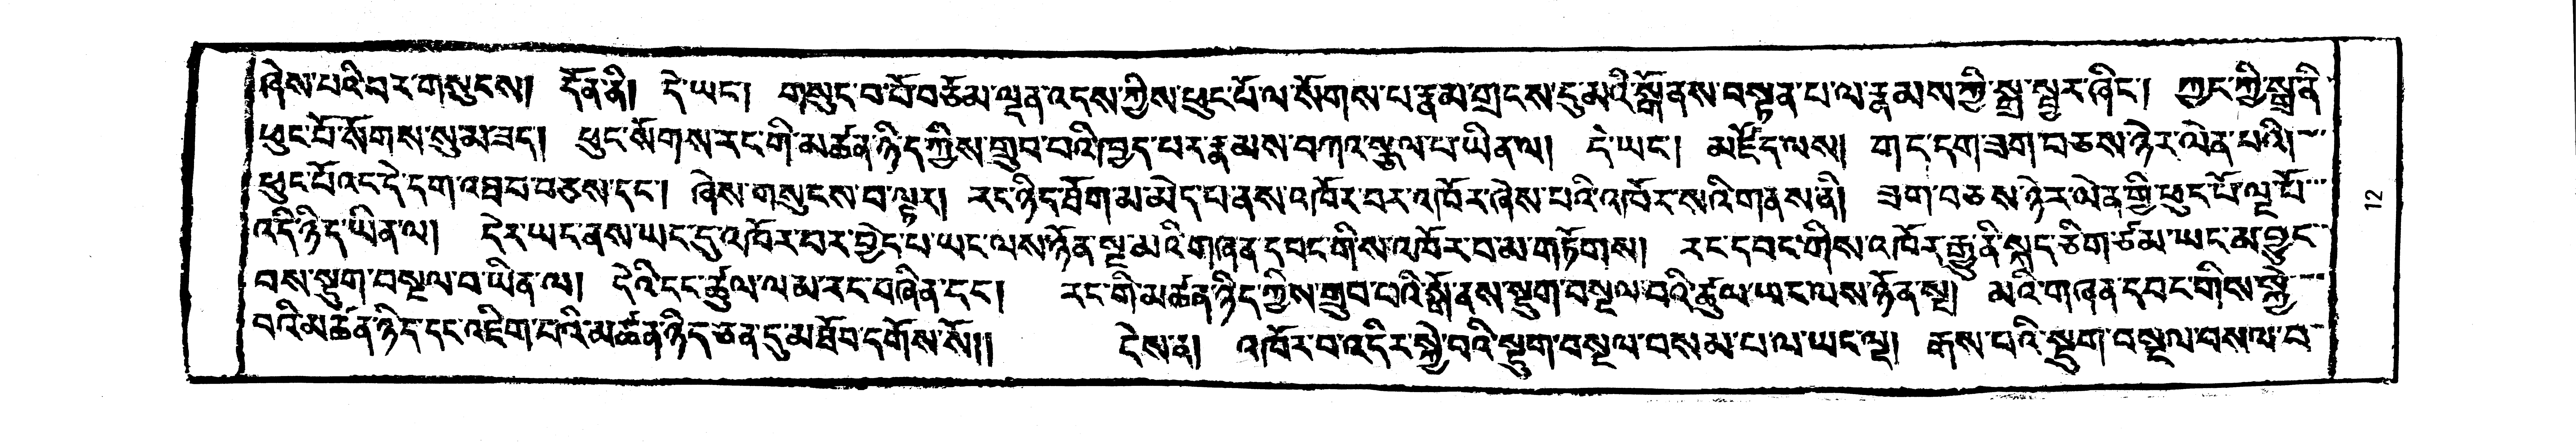ཞེས་པའི་བར་གསུངས། དོན་ནི། དེ་ཡང་། གསུང་བ་པོ་བཅོམ་ལྡན་འདས་ཀྱིས་ཕུང་པོ་ལ་སོགས་པ་རྣམ་གྲངས་དུ་མའི་སྒོ་ནས་བསྟན་པ་ལ་རྣམས་ཀྱི་སྒྲ་སྦྱར་ཞིང་། ཀྱང་ཀྱི་སྒྲ་ནི་
ཕུང་པོ་སོགས་སུ་མ་ཟད། ཕུང་སོགས་རང་གི་མཚན་ཉིད་ཀྱིས་གྲུབ་པའི་ཁྱད་པར་རྣམས་བཀའ་སྩལ་པ་ཡིན་ལ། དེ་ཡང་། མཛོད་ལས། གང་དག་ཟག་བཅས་ཉེར་ལེན་པའི།
ཕུང་པོའང་དེ་དག་འཐབ་བཅས་དང་། ཞེས་གསུངས་པ་ལྟར། རང་ཉིད་ཐོག་མ་མེད་པ་ནས་འཁོར་བར་འཁོར་ཞེས་པའི་འཁོར་སའི་གནས་ནི། ཟག་བཅས་ཉེར་ལེན་གྱི་ཕུང་པོ་ལྔ་པོ་
འདི་ཉིད་ཡིན་ལ། དེར་ཡང་ནས་ཡང་དུ་འཁོར་བར་བྱེད་པ་ཡང་ལས་ཉོན་སྔ་མའི་གཞན་དབང་གིས་འཁོར་བ་མ་གཏོགས། རང་དབང་གིས་འཁོར་རྒྱུ་ནི་སྐད་ཅིག་ཙམ་ཡང་མ་བྱུང་
བས་སྡུག་བསྔལ་བ་ཡིན་ལ། དེའི་ངང་ཚུལ་ལམ་རང་བཞིན་དང་། རང་གི་མཚན་ཉིད་ཀྱིས་གྲུབ་པའི་སྒོ་ནས་སྡུག་བསྔལ་བའི་ཚུལ་ཡང་ལས་ཉོན་སྔ། མའི་གཞན་དབང་གིས་སྐྱེ་
བའི་མཚན་ཉིད་དང་འཇིག་པའི་མཚན་ཉིད་ཅན་དུ་མཐོབ་དགོས་སོ།། དེས་ན། འཁོར་བ་འདིར་སྐྱེ་བའི་སྡུག་བསྔལ་བསམ་པ་ལ་ཡང་ལྔ། རྒས་པའི་སྡུག་བསྔལ་བསལ་བ་